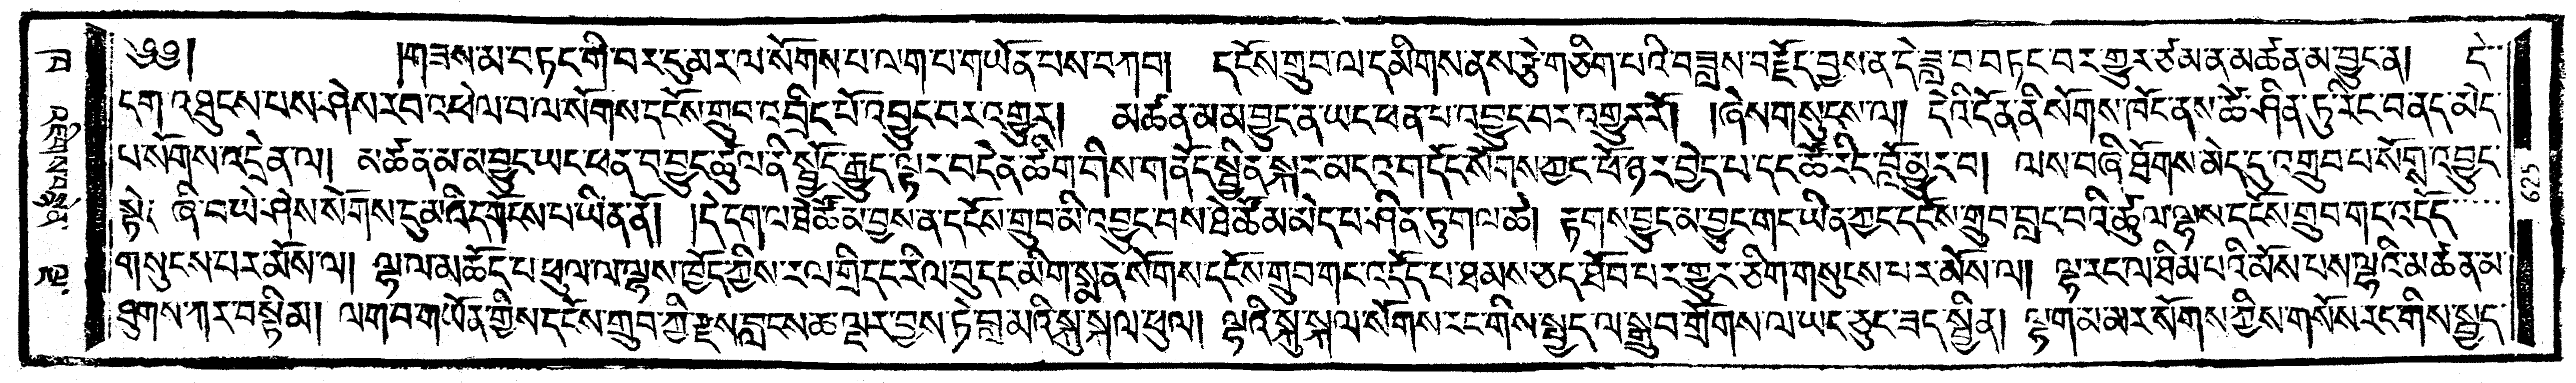༄༅། །གཟས་མ་བཏང་གི་བར་དུ་མར་ལ་སོགས་པ་ལག་པ་གཡོན་པས་བཀབ། དངོས་གྲུབ་ལ་དམིགས་ནས་རྩེ་གཅིག་པའི་བཟླས་བརྗོད་བྱས་ན་དེ་ཟླ་བ་བཏང་བར་གྱུར་ཙམ་ན་མཚན་མ་བྱུང་ན། དེ་
དག་འཐུངས་པས་ཤེས་རབ་འཕེལ་བ་ལ་སོགས་དངོས་གྲུབ་འབྲིང་པོ་འབྱུང་བར་འགྱུར། མཚན་མ་མ་བྱུང་ན་ཡང་ཕན་པ་འབྱུང་བར་འགྱུར་རོ། །ཞེས་གསུངས་ལ། དེའི་དོན་ནི་སོགས་ཁོང་ནས་ཚེ་ཤིན་ཏུ་རིང་བ་ནད་མེད་
པ་སོགས་འདྲེན་ལ། མཚན་མ་མ་བྱུང་ཡང་ཕན་བ་བྱུང་ཚུལ་ནི་སྦྱོང་རྒྱུད་ལྟར་བདེན་ཚིག་གིས་གནོད་སྦྱིན་སྐར་མདའ་གདོང་སོགས་ཀྱང་ཕོ་ཉར་བྱེད་པ་དང་ཚེ་རིང་བློ་མྱུར་བ། ལས་བཞི་ཐོགས་མེད་དུ་འགྲུབ་པ་སོགས་འབྱུང་
སྟེ༑ ཞི་བ་ཡེ་ཤེས་སོགས་དུ་མའི་དགོངས་པ་ཡིན་ནོ། །དེ་དག་ལ་ཐེ་ཚོམ་བྱས་ན་དངོས་གྲུབ་མི་འབྱུང་བས་ཐེ་ཚོམ་མེད་པ་ཤིན་ཏུ་གལ་ཆེ། རྟགས་བྱུང་མ་བྱུང་གང་ཡིན་ཀྱང་དངོས་གྲུབ་བླང་བའི་ཚུལ་ལྷས་དངོས་གྲུབ་གང་འདོད་
གསུངས་པར་མོས་ལ། ལྷ་ལ་མཆོད་པ་ཕུལ་ལ་ལྷས་ཁྱོད་ཀྱིས་རལ་གྲི་དང་རིལ་བུ་དང་མིག་སྨན་སོགས་དངོས་གྲུབ་གང་འདོད་པ་ཐམས་ཅད་ཐོབ་པར་གྱུར་ཅིག་གསུངས་པར་མོས་ལ། ལྷ་རང་ལ་ཐིམ་པའི་མོས་པས་ལྷའི་མཚན་མ་
ཐུགས་ཀར་བསྟིམ། ལག་པ་གཡོན་གྱིས་དངོས་གྲུབ་ཀྱི་རྫས་བླངས་ཆ་ལྔར་བྱས་ཏེ་བླ་མའི་སྐུ་སྐལ་ཕུལ། ལྷའི་སྐུ་སྐལ་སོགས་རང་གིས་སྤྱད་ལ་སྒྲུབ་གྲོགས་ལ་ཡང་ཅུང་ཟད་སྦྱིན། ལྷག་མ་མར་སོགས་ཀྱིས་གསོས་རང་གིས་སྤྱད་